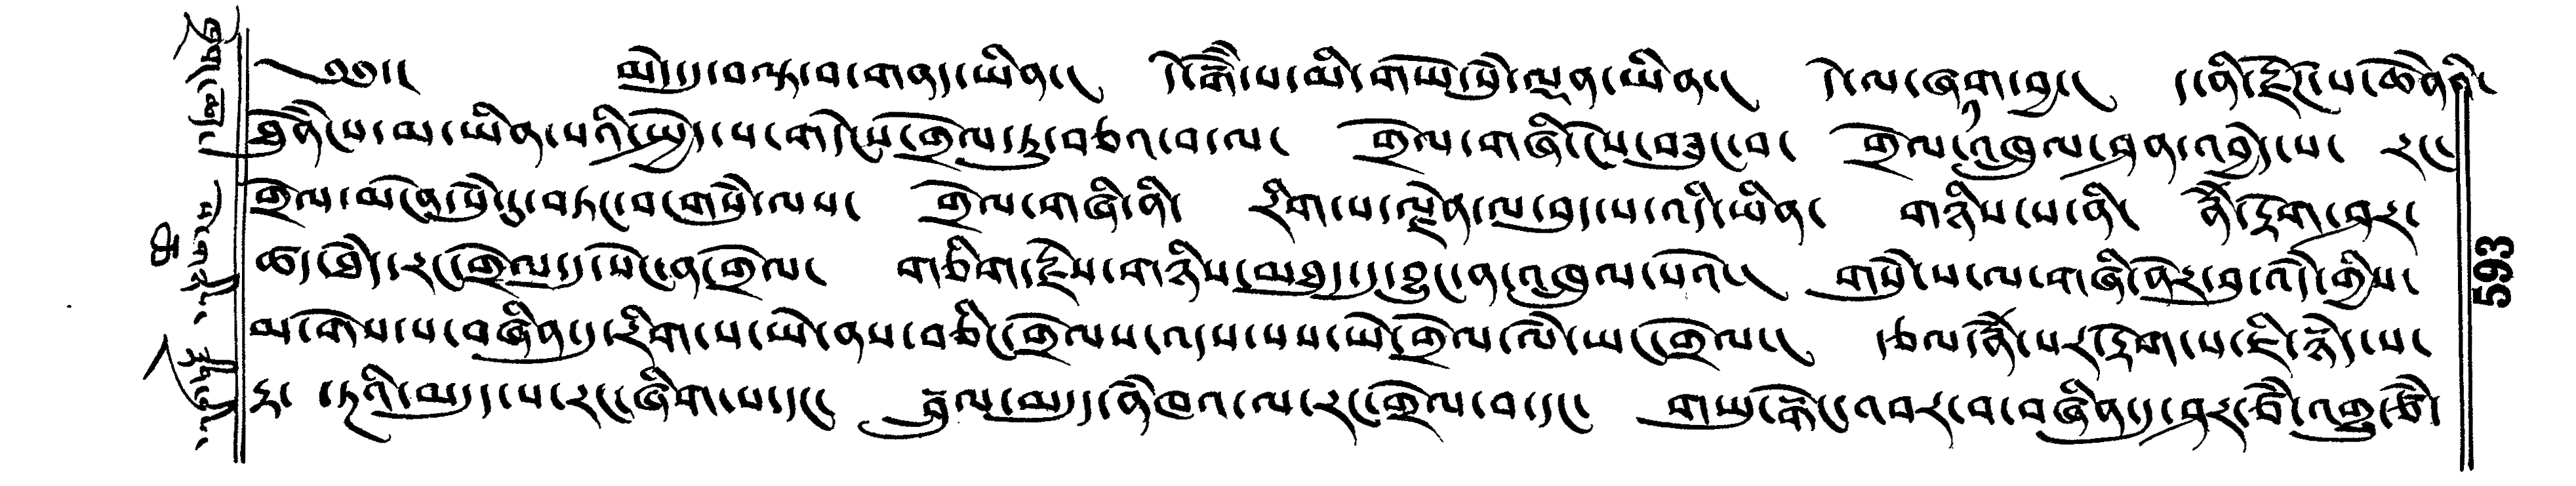མེད་དུ་བལྟ་བ་གནད་ཡིན། དེ་སྒོམ་པ་མི་གཡོ་སུམ་ལྡན་ཡིན། དེ་ལ་ཞག་གཅིག་བྱ། ད་ནི་རྫོགས་པ་ཆེན་པོའི་
ཐུན་མོང་མ་ཡིན་པའི་སྤྱོད་པ་གདེང་གྲོལ་ཐོག་ཏུ་བཅའ་བ་ལ། གྲོལ་གཞི་ངོས་བཟུང་བ། གྲོལ་འཁྲུལ་ཤན་འབྱེད་པ། རང་
གྲོལ་མངོན་སུམ་དུ་བཏང་བ་གསུམ་ལས། གྲོལ་གཞི་ནི། རིག་པ་རྗེན་ལ་བུད་པ་འདི་ཡིན། གཉིས་པ་ནི། རྣམ་རྟོག་ཤར་
ཚད་ཐམས་ཅད་རང་གྲོལ་དུ་སོང་ན་གྲོལ། གཅིག་རྗེས་གཉིས་མཐུད་དུ་བྱུང་ན་འཁྲུལ་པའོ། གསུམ་པ་ལ་གཞི་ནོར་བུ་འདམ་གྱིས་
མ་གོས་པ་བཞིན་དུ་རིག་པ་ཡེ་ནས་བཅིང་གྲོལ་ལས་འདས་པས་ཡེ་གྲོལ་ལམ་ཡང་གྲོལ།རྩལ་རྣམ་པར་རྟོག་པ་ཇི་སྙེད་པ་
རྟ་རྔའི་མདུད་པ་རང་ཞིག་པ་དང་། སྦྲུལ་མདུད་ནམ་མཁའ་ལ་རང་གྲོལ་བ་དང་། གཡུ་སྒོང་འབར་བ་བཞིན་དུ་ཤར་ཙམ་འགྱུ་ཙམ་